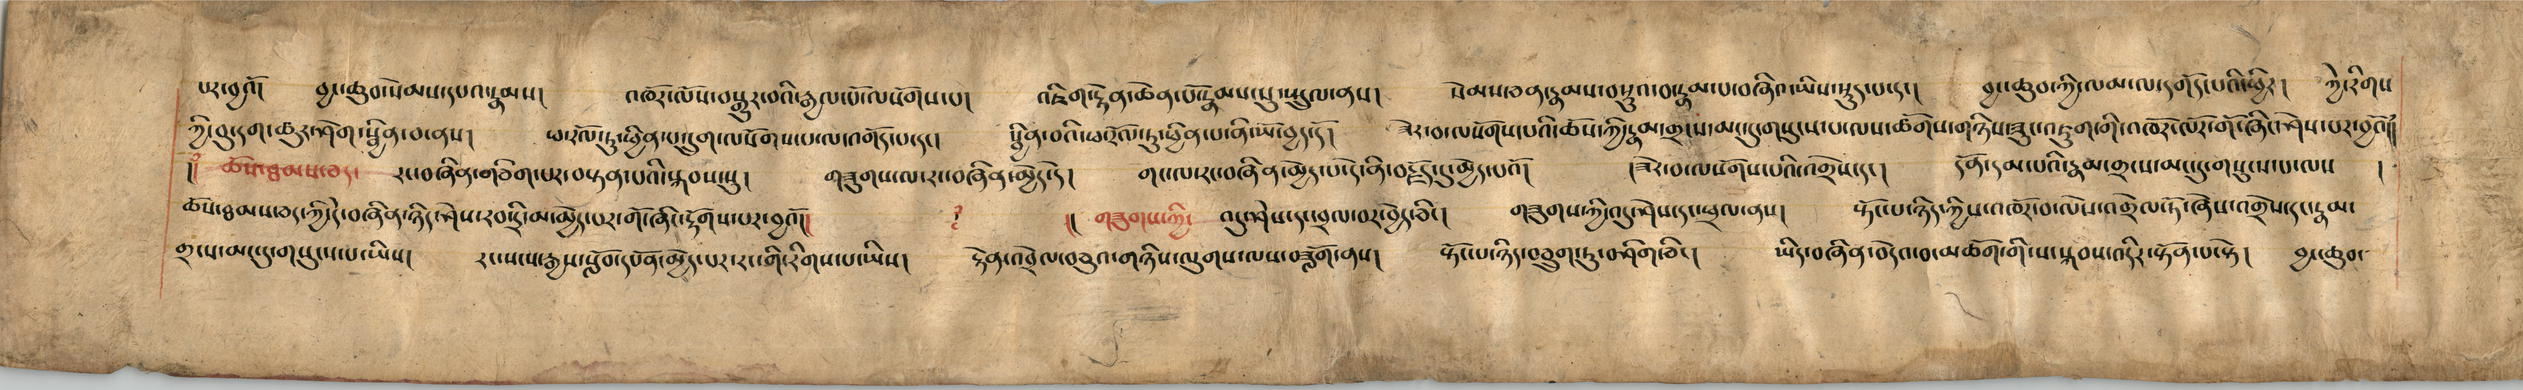པར་བྱའོ། བྱང་ཆུབ་སེམས་དཔའ་རྣམས། འཁོར་ལོས་བསྒྱུར་བའི་རྒྱལ་པོ་ལསོགས་པ། འཇིག་རྟེན་ཆེན་པོ་རྣམས་སུ་སྤྲུལ་ནས། སེམས་ཅན་རྣམས་བསྡུའ་བ་རྣམ་པ་བཞིའ་ཡིས་སྡུད་པ་དང།་བྱང་ཆུབ་ཀྱི་ལམ་ལ་དགོད་པའི་ཕྱིར། ཀྱེ་རིགས
ཀྱི་བུ་དག་ཚུར་ཤེག་སྦྱིན་བ་ནས། ཕ་རོལ་ཏུ་ཕྱིན་པ་དྲུག་ལ་སོགས་པ་ལ་འགོད་པ་དང། སྦྱིན་པའི་ཕ་རོལ་ཏུ་ཕྱིན་པ་ནི་ཡོ་བྱད་དོ། ཟེར་བ་ལསོགས་པའི་ཆོས་ཀྱི་རྣམ་གྲངས་མང་དུ་གསུངས་པ་ལས་ཚོགས་གཉིས་ཟུང་འཇུག་གི་འཁོར་ལོར་གོ་ཞིང་ཤེས་པར་བྱའོ།།
།། ཆོས་ཐམས་ཅད་ རང་བཞིན་གཅིག་པར་བསྟན་པའི་སྐབས་སུ། གཟུགས་ལ་རང་བཞཱིན་མེད་པ་དེ་ནི་བརྗོད་དུ་མེད་པའོ། །ཟེར་བ་ལསོགས་པའི་འགྲེས་དང། དོན་དམ་པའི་རྣམ་གྲངས་མང་དུ་གསུངས་པ་ལས
ཆོས་ཐམས་ཅད་ཀྱི་དེ་བཞིན་ཉིད་ཤེས་རབ་དྲི་མ་མྱེད་པར་གོ་ཞིང་རྟོགས་པར་བྱའོ།། །། གཟུགས་ཀྱི་ འདུ་ཤེས་དང་བྲལ་བར་བྱེད་ཅིང། གཟུགས་ཀྱི་འདུ་ཤེས་དང་ཕྲལ་ནས། སྟོང་པ་ཉིད་ཀྱི་འཁོར་བ་ལེས་འགྲེལ་ཏོ་ཞེས་འགྲེས་དང་རྣམ་
གྲངས་མང་དུ་གསུངས་པ་ཡིས། རང་སངས་རྒྱས་སློབ་དཔོན་མྱེད་པར་རང་གི་རིགས་པ་ཡིས། རྟེན་འབྲེལ་བཅུའ་གཉིས་ལུགས་ལས་བཟློག་ནས། སྟོང་པ་ཉིད་བཅྲུག་ཏུ་བཤིག་ཅིང། ཡིད་བཞིན་བདེའ་བ་མཆོག་གི་ས་སྐབས་འདིར་སྟོན་པ་སྟེ། བྱང་ཆུབ་